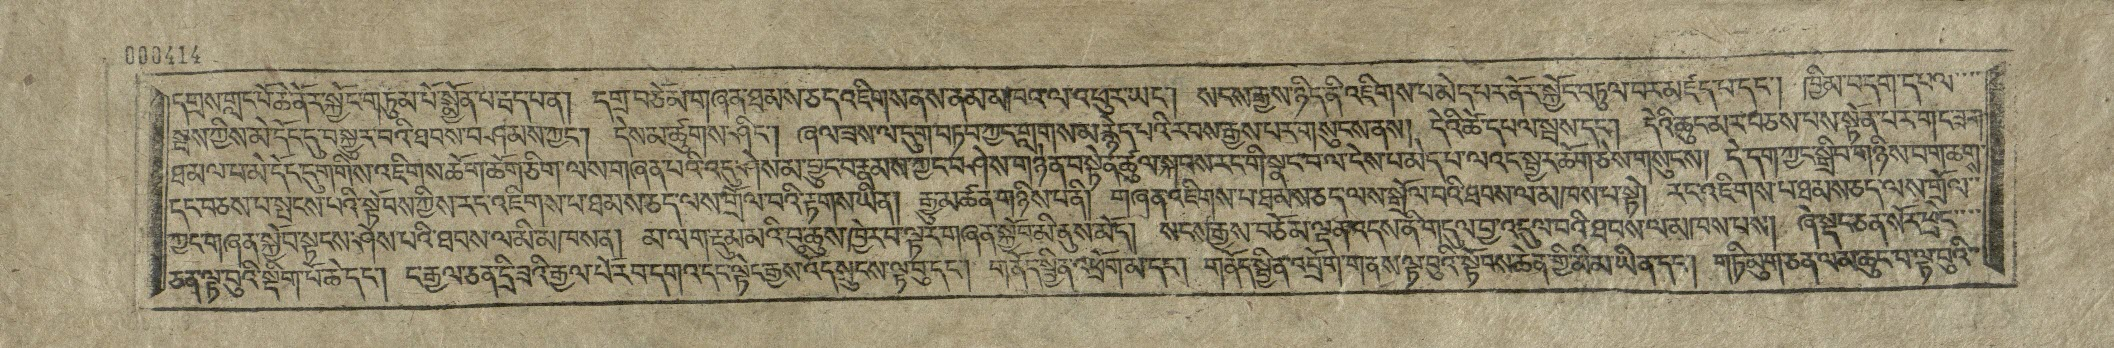དགྲས་གླང་པོ་ཆེ་ནོར་སྐྱོང་གཏུམ་པོ་སྨྱོན་པ་རྦད་པ་ན། དགྲ་བཅོམ་གཞན་ཐམས་ཅད་འཇིགས་ནས་ནམ་མཁའ་ལ་འཕུར་ཡང་། སངས་རྒྱས་ཉིད་ནི་འཇིགས་པ་མེད་པར་ནོར་སྐྱོང་བཏུལ་བར་མཛད་པ་དང་། ཁྱིམ་བདག་དཔལ་
སྦས་ཀྱིས་མེ་དོང་དུ་བསྐྱུར་བའི་ཐབས་བཤམས་ཀྱང་། དེས་མ་ཚུགས་ཤིང་། ཞལ་ཟས་ལ་དུག་བཏབ་ཀྱང་གླགས་མ་རྙེད་པའི་རབས་རྒྱས་པར་གསུངས་ནས། དེའི་ཚེ་དཔལ་སྦས་དང་། དེའི་ཆུང་མར་བཅས་པས་སྟོན་པར་གང་ཟག་
ཐ་མལ་པ་མེ་དོང་དུག་གིས་འཇིགས་ཆོག་ཆོག་ཅིག་ལས་གཞན་པའི་འདུ་ཤེས་མ་བྱུང་བ་རྣམས་ཀྱང་བཤེས་གཉེན་བསྟེན་ཚུལ་སྐབས་རང་གི་སྣང་བ་ལ་ངེས་པ་མེད་པ་ལའང་སྦྱར་ཆོག་ཅེས་གསུངས། དེ་དག་ཀྱང་སྒྲིབ་གཉིས་བག་ཆགས་
དང་བཅས་པ་སྤངས་པའི་སྟོབས་ཀྱིས་རང་འཇིགས་པ་ཐམས་ཅད་ལས་གྲོལ་བའི་རྟགས་ཡིན། རྒྱུ་མཚན་གཉིས་པ་ནི། གཞན་འཇིགས་པ་ཐམས་ཅད་ལས་སྒྲོལ་བའི་ཐབས་ལ་མཁས་པ་སྟེ། རང་འཇིགས་པ་ཐམས་ཅད་ལས་གྲོལ་
ཀྱང་གཞན་སྐྱོབ་སྟངས་ཤེས་པའི་ཐབས་ལ་མི་མཁས་ན། མ་ལག་རྡུམ་མའི་བུ་ཆུས་ཁྱེར་བ་ལྟར་གཞན་སྐྱོབ་མི་ནུས་མོད། སངས་རྒྱས་བཅོམ་ལྡན་འདས་ནི་གདུལ་བྱ་འདུལ་བའི་ཐབས་ལ་མཁས་པས། ཞེ་སྡང་ཅན་སོར་ཕྲེང་
ཅན་ལྟ་བུའི་སྡིག་པོ་ཆེ་དང་། ང་རྒྱལ་ཅན་དྲི་ཟའི་རྒྱལ་པོ་རབ་དགའ་དང་ལྟེང་རྒྱས་འོད་སྲུངས་ལྟ་བུ་དང་། གནོད་སྦྱིན་འཕྲོག་མ་དང་། གནོད་སྦྱིན་འབྲོག་གནས་ལྟ་བུའི་སྟོབས་ཆེན་གྱི་མི་མ་ཡིན་དང་། གཏི་མུག་ཅན་ལ་མ་ཆུང་བ་ལྟ་བུའི་